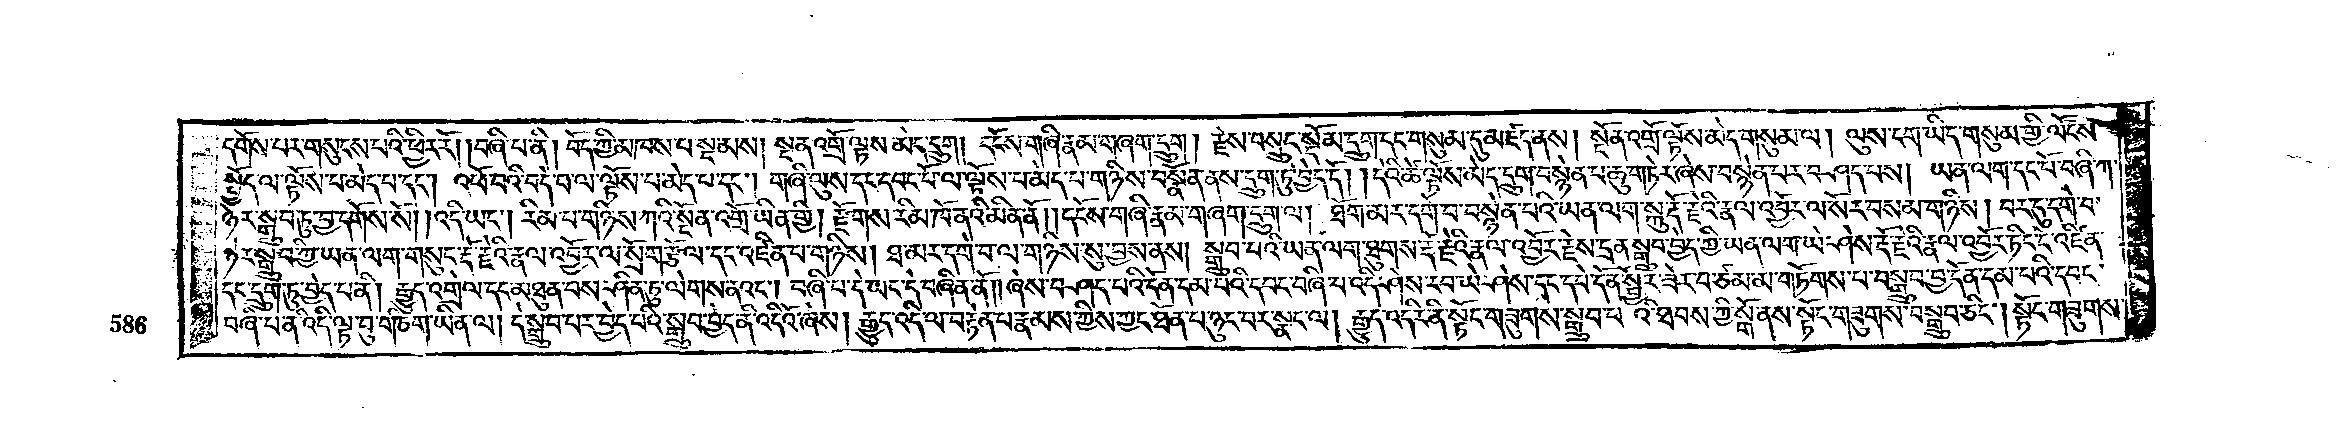དགོས་པར་གསུངས་པའི་ཕྱིར་རོ། །བཞི་པ་ནི། བོད་ཀྱི་མཁས་པ་སྔ་མས། སྔོན་འགྲོ་ལྟས་མེད་དྲུག །དངོས་གཞི་རྣམ་གཞག་དྲུག །རྗེས་བསྲུང་སྡོམ་དྲུག་དང་གསུམ་དུ་མཛད་ནས། སྔོན་འགྲོ་ལྟོས་མེད་གསུམ་ལ། ལུས་ངག་ཡིད་གསུམ་གྱི་ལོངས་
སྤྱོད་ལ་ལྟོས་པ་མེད་པ་དང་། འཕོ་བའི་བདེ་བ་ལ་ལྟོས་པ་མེད་པ་དང་། གཞི་ལུས་དང་དབང་པོ་ལ་ལྟོས་པ་མེད་པ་གཉིས་བསྣན་ནས་དྲུག་ཏུ་བྱེད་དོ། །དེའི་ཚེ་ལྟོས་མེད་དྲུག་བསྙེན་པ་ཆུ་གཏེར་ཞེས་བསྙེན་པར་བཤད་པས། ཡན་ལག་དང་པོ་བཞི་ཀ་
ཉེར་སྒྲུབ་ཏུ་བྱ་དགོས་སོ། །འདི་ཡང་། རིམ་པ་གཉིས་ཀའི་སྔོན་འགྲོ་ཡིན་གྱི། རྫོགས་རིམ་ཁོ་ནའི་མིན་ནོ། །དངོས་གཞི་རྣམ་གཞག་དྲུག་ལ། ཐོག་མར་དགེ་བ་བསྙེན་པའི་ཡན་ལག་སྐུ་རྡོ་རྗེའི་རྣལ་འབྱོར་ལ་སོར་བསམ་གཉིས། བར་དུ་དགེ་བ་
ཉེར་སྒྲུབ་ཀྱི་ཡན་ལག་གསུང་རྡོ་རྗེའི་རྣལ་འབྱོར་ལ་སྲོག་རྩོལ་དང་འཛིན་པ་གཉིས། ཐ་མར་དགེ་བ་ལ་གཉིས་སུ་བྱས་ནས། སྒྲུབ་པའི་ཡན་ལག་ཐུགས་རྡོ་རྗེའི་རྣལ་འབྱོར་རྗེས་དྲན་སྒྲུབ་བྱེད་ཀྱི་ཡན་ལག་ཡེ་ཤེས་རྡོ་རྗེའི་རྣལ་འབྱོར་ཏིང་ངེ་འཛིན་
དང་དྲུག་ཏུ་བྱེད་པ་ནི། རྒྱུད་འགྲེལ་དང་མཐུན་པས་ཤིན་ཏུ་ལེགས་ནའང་། བཞི་པ་དེ་ཡང་དེ་བཞིན་ནོ། །ཞེས་བཤད་པའི་དོན་དམ་པའི་དབང་བཞི་པ་འདི་ཤེས་རབ་ཡེ་ཤེས་དང་དཔེ་དོན་སྦྱོར་ཟེར་བ་ཙམ་མ་གཏོགས་པ་བསྒྲུབ་བྱ་དོན་དམ་པའི་དབང་
བཞི་པ་ནི་འདི་ལྟ་བུ་གཅིག་ཡིན་ལ། དེ་སྒྲུབ་པར་བྱེད་པའི་སྒྲུབ་བྱེད་ནི་འདིའོ་ཞེས། རྒྱུད་འདི་ལ་བརྟེན་པ་རྣམས་ཀྱིས་ཀྱང་ཐོན་པ་ཉུང་བར་སྣང་ལ། རྒྱུད་འདིར་ནི་སྟོང་གཟུགས་སྒྲུབ་པའི་ཐབས་ཀྱི་སྒོ་ནས་སྟོང་གཟུགས་བསྒྲུབ་ཅིང་། སྟོང་གཟུགས་